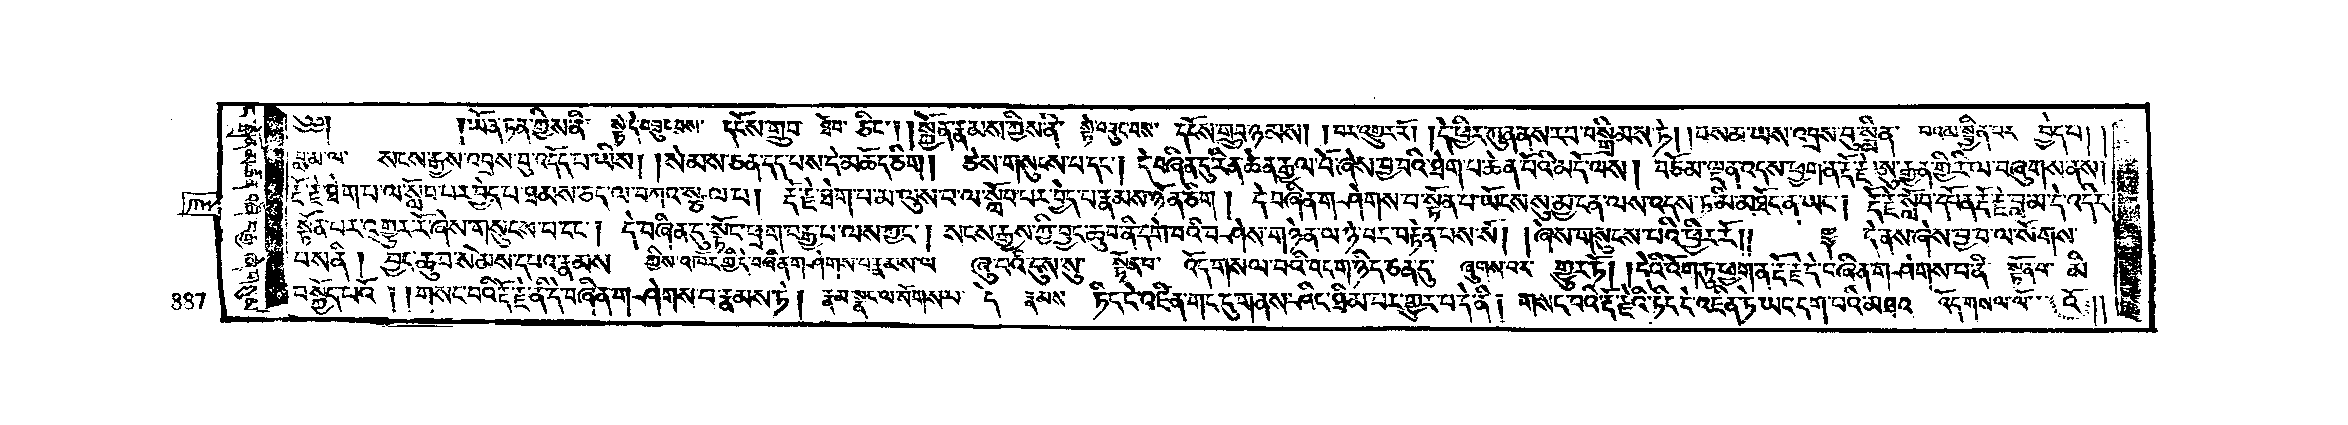༄༅། །ཡོན་ཏན་གྱིས་ནི་སྟེ་དེ་བཟུང་བས་དངོས་གྲུབ་ཐོབ་ཅིང་། །སྐྱོན་རྣམས་ཀྱིས་ནི་སྟེ་བཟུང་བས་དངོས་གྲུབ་ཉམས། །བར་འགྱུར་རོ། །དེ་ཕྱིར་ཀུན་ནས་རབ་བསྒྲིམས་ཏེ། །བསམ་ཡས་འབྲས་བུ་སྨིན་པའམ་སྦྱིན་པར་བྱེད་པ། །
བླ་མ་ལ་སངས་རྒྱས་འབྲས་བུ་འདོད་པ་ཡིས། །སེམས་ཅན་དད་པས་དེ་མཆོད་ཅིག །ཅེས་གསུངས་པ་དང་། དེ་བཞིན་དུ་རིན་ཆེན་རྒྱལ་པོ་ཞེས་བྱ་བའི་ཐེག་པ་ཆེན་པོའི་མདོ་ལས། བཅོམ་ལྡན་འདས་ཕྱག་ན་རྡོ་རྗེ་ཨུ་རྒྱན་གྱི་རི་ལ་བཞུགས་ནས།
རྡོ་རྗེ་ཐེག་པ་ལ་སློབ་པར་བྱེད་པ་ཐམས་ཅད་ལ་བཀའ་སྩལ་པ། རྡོ་རྗེ་ཐེག་པ་མ་ལུས་པ་ལ་སློབ་པར་བྱེད་པ་རྣམས་ཉོན་ཅིག །དེ་བཞིན་གཤེགས་པ་སྟོན་པ་ཡོངས་སུ་མྱ་ངན་ལས་འདས་ཏེ་མི་མཐོང་ན་ཡང་། རྡོ་རྗེ་སློབ་དཔོན་རྡོ་རྗེ་བླ་མ་དེ་འདིར་
སྟོན་པར་འགྱུར་རོ་ཞེས་གསུངས་པ་དང་། དེ་བཞིན་དུ་སྟོང་ཕྲག་བརྒྱ་པ་ལས་ཀྱང་། སངས་རྒྱས་ཀྱི་བྱང་ཆུབ་ནི་དགེ་བའི་བཤེས་གཉེན་ལ་ཉེ་བར་བརྟེན་པས་སོ། །ཞེས་གསུངས་པའི་ཕྱིར་རོ།། ༈ དེ་ནས་ཞེས་བྱ་བ་ལ་སོགས་
པས་ནི། བྱང་ཆུབ་སེམས་དཔའ་རྣམས་ཀྱིས་འཁོར་གྱི་དེ་བཞིན་གཤེགས་པ་རྣམས་ལ་ཞུ་པའི་དུས་སུ་སྟོན་པ་འོད་གསལ་བའི་བདག་ཉིད་ཅན་དུ་ཞུགས་པར་གྱུར་ཏོ། །དེའི་འོག་ཏུ་ཕྱག་ན་རྡོ་རྗེ་དེ་བཞིན་གཤེགས་པ་ནི་སྟོན་པ་མི་
བསྐྱོད་པའོ། །གསང་བའི་རྡོ་རྗེ་ནི་དེ་བཞིན་གཤེགས་པ་རྣམས་ཏེ། རྣམ་སྣང་ལ་སོགས་པ་དེ་རྣམས་ཏིང་ངེ་འཛིན་གང་དུ་གནས་ཤིང་ཐིམ་པར་གྱུར་པ་དེ་ནི། གསང་བའི་རྡོ་རྗེའི་ཏིང་ངེ་འཛིན་ཏེ་ཡང་དག་པའི་མཐའ་འོད་གསལ་ལོའོ།།